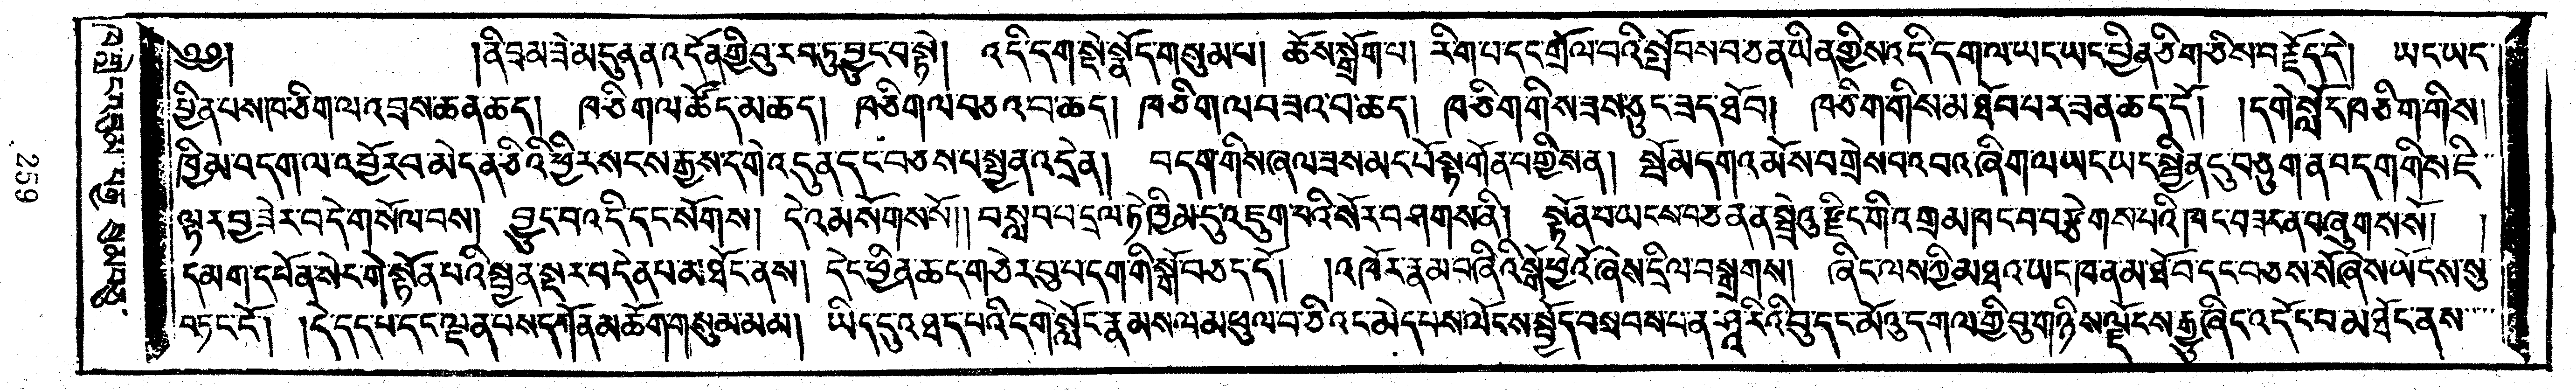༄༅། །ནི་བྲམ་ཟེ་མདུན་ན་འདོན་གྱི་བུ་རབ་ཏུ་བྱུང་བ་སྟེ། འདི་དག་སྡེ་སྣོད་གསུམ་པ། ཆོས་སྒྲོག་པ། རིག་པ་དང་གྲོལ་བའི་སྤོབས་པ་ཅན་ཡིན་གྱིས་འདི་དག་ལ་ཡང་ཡང་བྱིན་ཅིག་ཅིས་བརྗོད་དེ། ཡང་ཡང་
བྱིན་པས་ཁ་ཅིག་ལ་འབྲས་ཆན་ཆད། ཁ་ཅིག་ལ་ཚོད་མ་ཆད། ཁ་ཅིག་ལ་བཅའ་བ་ཆད། ཁ་ཅིག་ལ་བཟའ་བ་ཆད། ཁ་ཅིག་གིས་ཟས་ཅུང་ཟད་ཐོབ། ཁ་ཅིག་གིས་མ་ཐོབ་པར་ཟན་ཆད་དོ། །དགེ་སློང་ཁ་ཅིག་གིས།
ཁྱིམ་བདག་ལ་འབྱོར་བ་མེད་ན་ཅིའི་ཕྱིར་སངས་རྒྱས་དགེ་འདུན་དང་བཅས་པ་སྤྱན་འདྲེན། བདག་གིས་ཞལ་ཟས་མང་པོ་སྟ་གོན་བགྱིས་ན། སྦོམ་དགའ་མོས་བགྲེས་བ་འབའ་ཞིག་ལ་ཡང་ཡང་སྦྱིན་དུ་བཅུག་ན་བདག་གིས་ཇི་
ལྟར་བྱ་ཟེར་བ་དེ་གསོལ་བས། བྱུང་བ་འདི་དང་སོགས། དེ་འམ་སོགས་སོ། །བསླབ་པ་དྲལ་ཏེ་ཁྱིམ་དུ་འཇུག་པའི་སོར་བཤགས་ནི། སྟོན་པ་ཡངས་པ་ཅན་ན་སྦྲེའུ་རྫིང་གི་འགྲམ་ཁང་བ་བརྩེགས་པའི་ཁང་བཟང་ན་བཞུགས་སོ། །
དམག་དཔོན་སེང་གེ་སྟོན་པའི་སྤྱན་སྔར་བདེན་པ་མཐོང་ནས། དེང་ཕྱིན་ཆད་གཅེར་བུ་བ་དག་གི་སྒོ་བཅད་དོ། །འཁོར་རྣམ་བཞིའི་སྒོ་ཕྱེའོ་ཞེས་དྲིལ་བསྒྲགས། ཞིང་ལས་ཀྱི་མཐའ་ཡང་ཁ་ན་མ་ཐོ་བ་དང་བཅས་སོ་ཞེས་ཡོངས་སུ་
བཏང་ངོ། །དེ་དད་པ་དང་ལྡན་པས་དཀོན་མཆོག་གསུམ་མམ། ཡིད་དུ་འཐད་པའི་དགེ་སློང་རྣམས་ལ་མ་ཕུལ་བ་ཅིའང་མེད་པས་ལོངས་སྤྱོད་བསྲབས་པ་ན་ཤཱ་རིའི་བུ་དང་མོའུ་དགལ་གྱི་བུ་གཉིས་ལྗོངས་རྒྱུ་ཞིང་འདོང་བ་མཐོང་ནས་